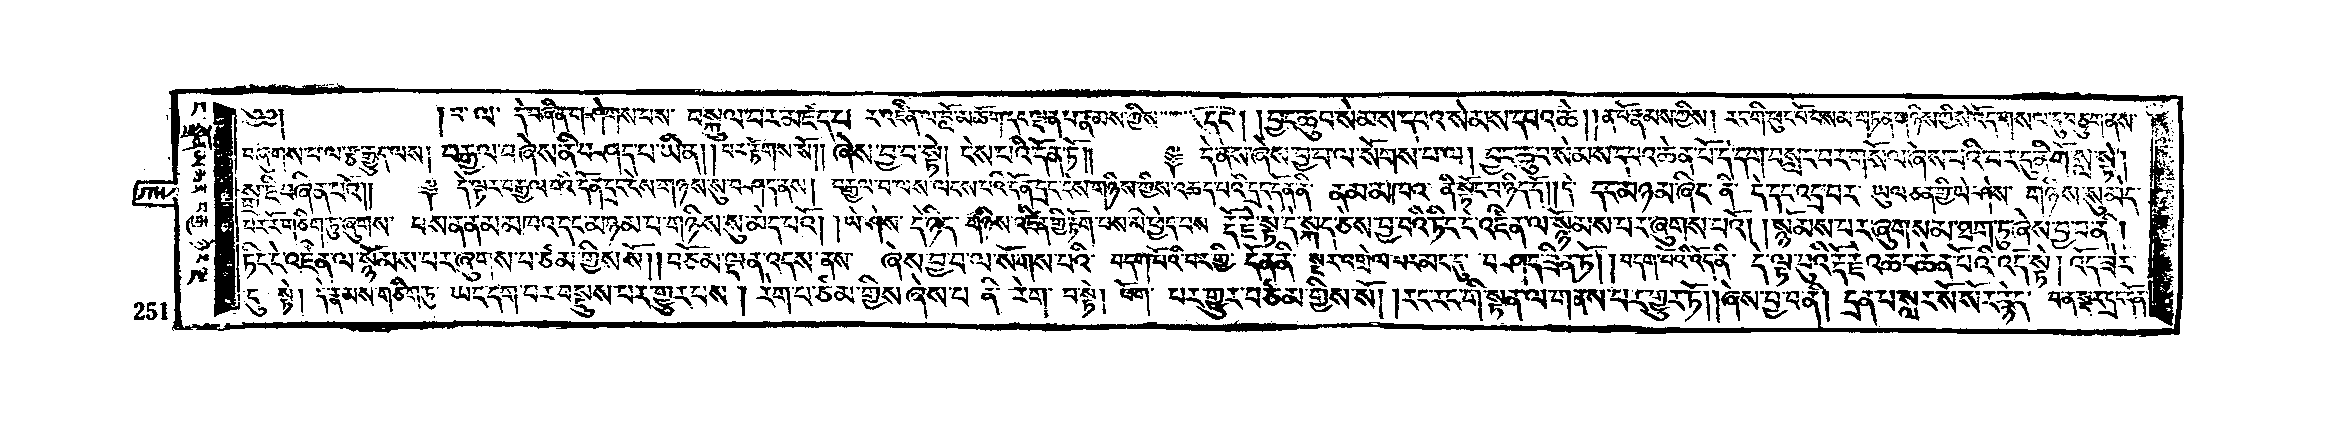༄༅། ། བ་ལ་དེ་བཞིན་གཤེགས་པས་བསྐུལ་བར་མཛད་པར་འཛིན་ལ་བློ་མཆོག་དང་ལྡན་པ་རྣམས་ཀྱིས་དང་། །བྱང་ཆུབ་སེམས་དཔའ་སེམས་དཔའ་ཆེ། །ན་པོ་རྣམས་ཀྱིས། རང་གི་ཕུང་པོ་བསམ་གཏན་གཉིས་ཀྱིས་འོད་གསལ་དུ་བཅུག་ནས་
བཞུགས་པ་ལ་རྩ་རྒྱུད་ལས། བརྒྱལ་བཞེས་ནི་བཤད་པ་ཡིན། ། པར་རྟོགས་སོ། །ཞེས་བྱ་བ་སྟེ། ངེས་པའི་དོན་ཏོ།། ༈ དེ་ནས་ཞེས་བྱ་བ་ལ་སོགས་པ་ལ། བྱང་ཆུབ་སེམས་དཔའ་ཆེན་པོ་དེ་དག་བསླང་བར་གསོལ་ཞེས་པའི་བར་དུ་ནི་གོ་སླ་སྟེ།
སྒྲ་ཇི་བཞིན་པའོ།། ༈ དེ་ལྟར་བརྒྱལ་བའི་དོན་དྲང་ངེས་གཉིས་སུ་བཤད་ནས། བརྒྱལ་བ་ལས་ལངས་པའི་དོན་དྲང་ངེས་གཉིས་ཀྱིས་འཆད་པའི་དྲང་དོན་ནི་ནམ་མཁའ་ནི་སྟོང་པ་ཉིད་དོ། །དེ་དང་མཉམ་ཞིང་ནི་དེ་དང་འདྲ་བར་ཡུལ་ཅན་གྱི་ཡེ་ཤེས་གཉིས་སུ་མེད་
པར་རོ་གཅིག་ཏུ་ཞུགས་པས་ན་ནམ་མཁའ་དང་མཉམ་པ་གཉིས་སུ་མེད་པའོ། ། ཡེ་ཤེས་དེ་ཉིད་གཉིས་འཛིན་གྱི་རྟོག་པས་མི་ཕྱེད་པས་རྡོ་རྗེ་སྟེ་དེ་སྐད་ཅེས་བྱ་བའི་ཏིང་ངེ་འཛིན་ལ་སྙོམས་པར་ཞུགས་པའོ། །སྙོམས་པར་ཞུགས་མ་ཐག་ཏུ་ཞེས་བྱ་བ་ནི།
ཏིང་ངེ་འཛིན་ལ་སྙོམས་པར་ཞུགས་པ་ཙམ་གྱིས་སོ། །བཅོམ་ལྡན་འདས་ནས་ཞེས་བྱ་བ་ལ་སོགས་པའི་བདག་པོའི་བར་གྱི་དོན་ནི་སྔར་འགྲེལ་པར་མང་དུ་བཤད་ཟིན་ཏོ། ། བདག་པོའི་འོད་ནི་དེ་ལྟ་བུའི་རྡོ་རྗེ་འཆང་ཆེན་པོའི་འོད་སྟེ། འོད་ཟེར་
དུ་སྟེ། དེ་རྣམས་གཅིག་ཏུ་ཡང་དག་པར་བསྡུས་པར་གྱུར་པས། རེག་པ་ཙམ་གྱིས་ཞེས་པ་ནི་རིག་པ་སྟེ། ཕོག་པར་གྱུར་པ་ཙམ་གྱིས་སོ། །རང་རང་གི་སྟན་ལ་གནས་པར་གྱུར་ཏོ། །ཞེས་བྱ་བ་ནི། དྲན་པ་སླར་སོ་སོར་རྙེད་བ་ན་སྔར་དྲང་དོན་